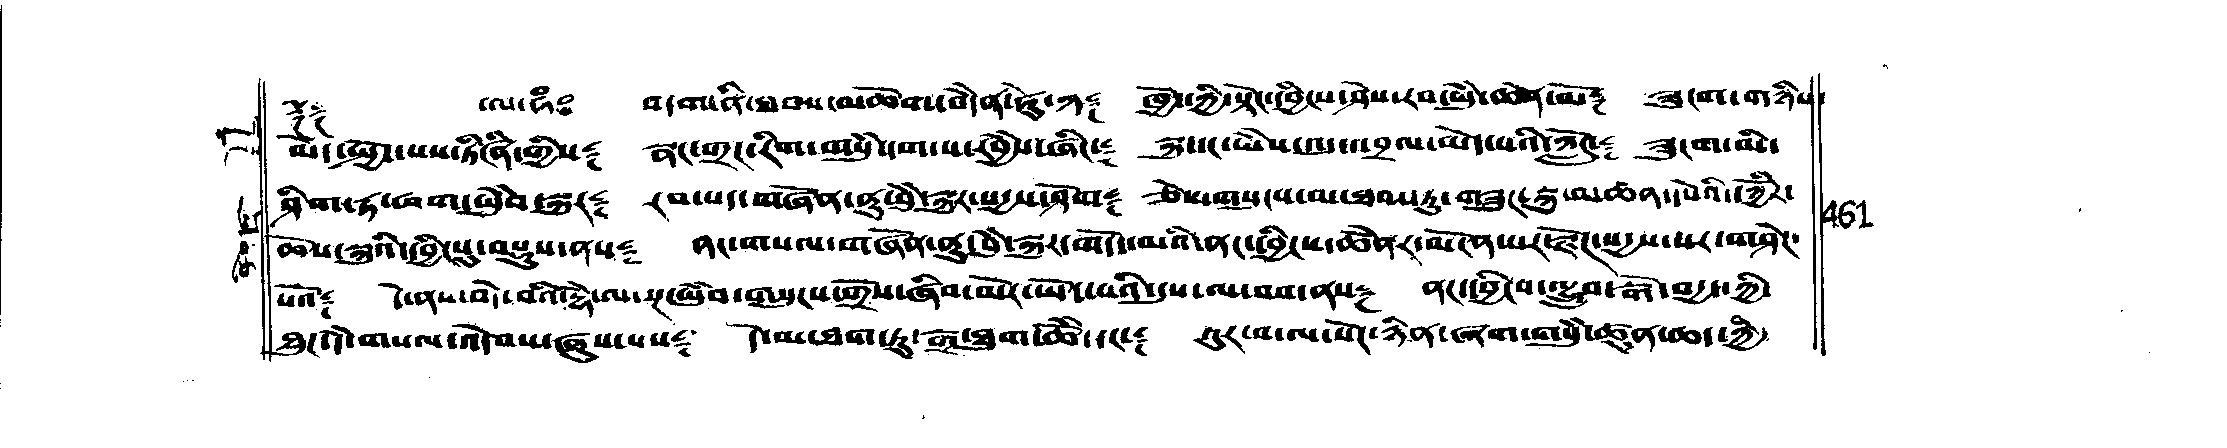ཨ་ཧཾཿ བདག་ནི་ཐབས་མཆོག་བདེ་ཆེན་ཧེ་རུ་ཀ ཁྱེད་ཀྱི་སྟོང་དབྱིངས་ཤེས་རབ་ཡུམ་ཆེན་མོ། །ཟུང་འཇུག་གཉིས་
མེད་སྤྱོད་པས་ཏིང་འཛིན་གྱིས། །སྣང་གྲགས་རིག་གསུམ་དག་པ་རབ་འབྱམས་ཞིང་། །སྐུ་དང་ཡེ་ཤེས་འདུ་འབྲལ་མེད་པའི་ཀློང་། །ཟུང་འཇུག་མི་
ཤིགས་རྟ་ཕག་ཡབ་ཡུམ་སྐུར། །རབ་སད་གཞོན་ནུ་བུམ་སྐུར་སངས་རྒྱས་ཤོག །ཅེས་གསུངས་མ་ཐག་ཏུ་གཟུགས་སྐུ་མཚན་དཔེའི་དཀྱིལ་འཁོར་
ཆོས་སྐུའི་དབྱིངས་སུ་བསྡུས་ནས། ནང་གསལ་གཞོན་ནུ་བུམ་སྐུར་གདོད་མའི་ནང་དབྱིངས་ཆེན་པོར་མངོན་པར་རྫོགས་སངས་རྒྱས་པར་གཤེགས་
པའོ། དེ་ནས་བདེ་བའི་རྡོ་རྗེ་ལ་སྔར་ཡབ་ཡུམ་གསུང་གྲོས་ཞིབ་མོར་ཡོད་པའི་དུས་ལ་བབ་ནས། ནང་དབྱིངས་ལྷུན་གྲུབ་སྒོ་བརྒྱད་ཀྱི་
ཐུགས་དམ་གསལ་འདེབས་ཞུས་པས། དེ་མ་ཐག་ཏུ་སྒྲ་ཐུག་ཆོམ་དང་། འུར་བ་ལ་སོགས་ཉིན་ཞག་གསུམ་ཚུན་ཆད་ཀྱི་